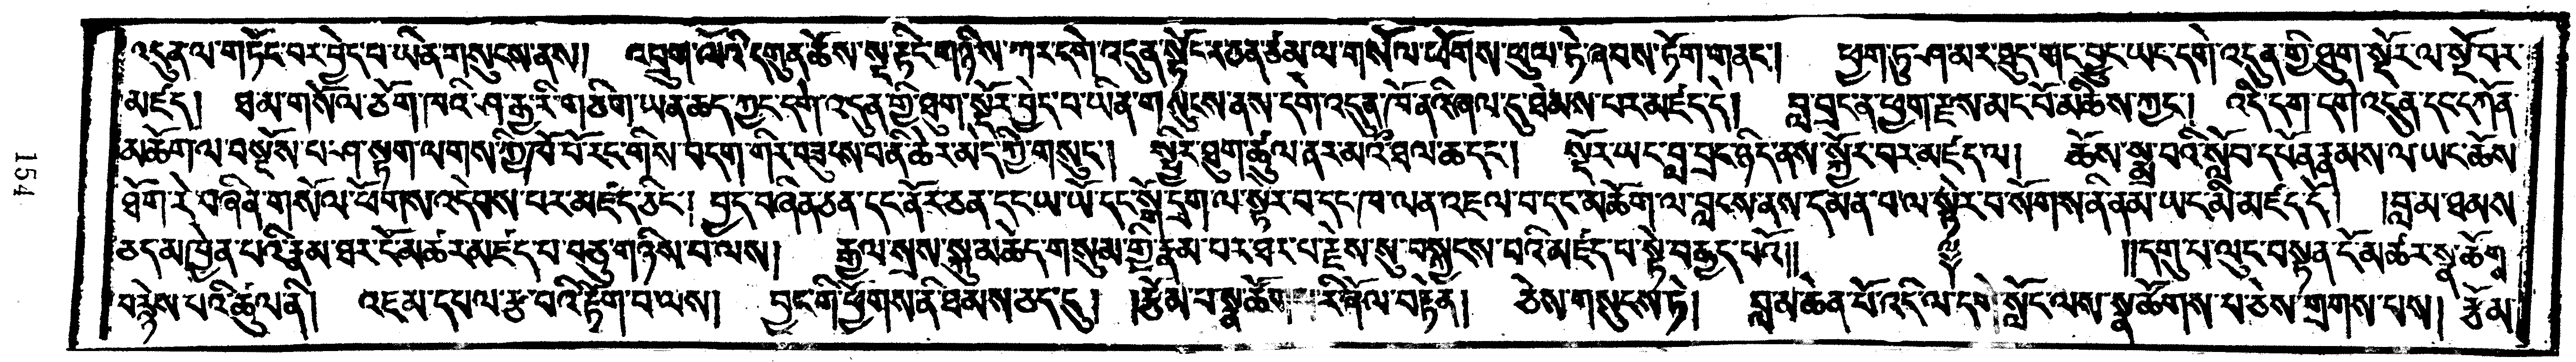འདུན་ལ་གཏོང་བར་བྱེད་པ་ཡིན་གསུངས་ནས། འབྲུག་ལོའི་དགུན་ཆོས་སྔ་རྟིང་གཉིས་ཀར་དགེ་འདུན་སྟོང་ཅན་ཙམ་ལ་གསོལ་ཕོགས་ཕུལ་ཏེ་ཞབས་ཏོག་གནང་། ཕྱག་ཏུ་ཤ་མར་ཐུད་གང་བྱུང་ཡང་དགེ་འདུན་གྱི་ཐུག་སྔོར་ལ་སྔོ་བར་
མཛད། ཐ་མ་གསོལ་ཅོག་ཁའི་ཤ་རྒྱ་རི་གཅིག་ཡན་ཆད་ཀྱང་དགེ་འདུན་གྱི་ཐུག་སྡོར་བྱེད་པ་ཡིན་གསུངས་ནས་དགེ་འདུན་ཁོ་ནའི་ཞལ་དུ་ཐེམས་པར་མཛད་དེ། བླ་བྲང་ན་ཕྱག་རྫས་མང་པོ་མཆིས་ཀྱང་། འདི་དག་དགེ་འདུན་དང་དཀོན་
མཆོག་ལ་བསྔོས་པ་ཤ་སྟག་ལགས་ཀྱི་ཁོ་པོ་རང་གིས་བདག་གིར་བཟུངས་པ་ནི་ཆེར་མེད་ཀྱི་གསུང་། སྤྱིར་ཐུག་ཚུལ་ནར་མཱྀ་ཐལ་ཆ་དང་། སྡོར་ཡང་བླ་བྲང་ཉིད་ནས་སྐྱོར་བར་མཛད་ལ། ཆོས་སྨྲ་བའི་སློབ་དཔོན་རྣམས་ལ་ཡང་ཆོས་
ཐོག་རེ་བཞིན་གསོལ་ཕོགས་འདེབས་པར་མཛད་ཅིང་། བྱད་བཞིན་ཅན་དང་ནོར་ཅན་དང་ཡ་ཡོ་དང་སྒོ་དྲག་ལ་སྟེར་བ་དང་ཁ་ལན་འཇལ་བ་དང་མཆོག་ལ་བླངས་ནས་དམན་པ་ལ་སྟེར་བ་སོགས་ནི་ནམ་ཡང་མི་མཛད་དོ། །བླ་མ་ཐམས་
ཅད་མཁྱེན་པའི་རྣམ་ཐར་ངོ་མཚར་མཛད་པ་བཅུ་གཉིས་པ་ལས། རྒྱལ་སྲས་སྐུ་མཆེད་གསུམ་གྱི་རྣམ་པར་ཐར་པ་རྗེས་སུ་བསྐྱངས་པའི་མཛད་པ་སྟེ་བརྒྱད་པའོ།། ༈ །།དགུ་པ་ལུང་བསྟན་ངོ་མཚར་སྣ་ཚོགས་
བརྙེས་པའི་ཚུལ་ནི། འཇམ་དཔལ་རྩ་བའི་རྟོག་བ་ལས། བྱང་གི་ཕྱོགས་ནི་ཐམས་ཅད་དུ། །རྩོམ་པ་སྣ་ཚོགས་རི་ཞོལ་བརྟེན། ཅེས་གསུངས་ཏེ། བླ་མ་ཆེན་པོ་འདི་ལ་དགེ་སློང་ལས་སྣ་ཚོགས་པ་ཅེས་གྲགས་པས། རྩོམ་